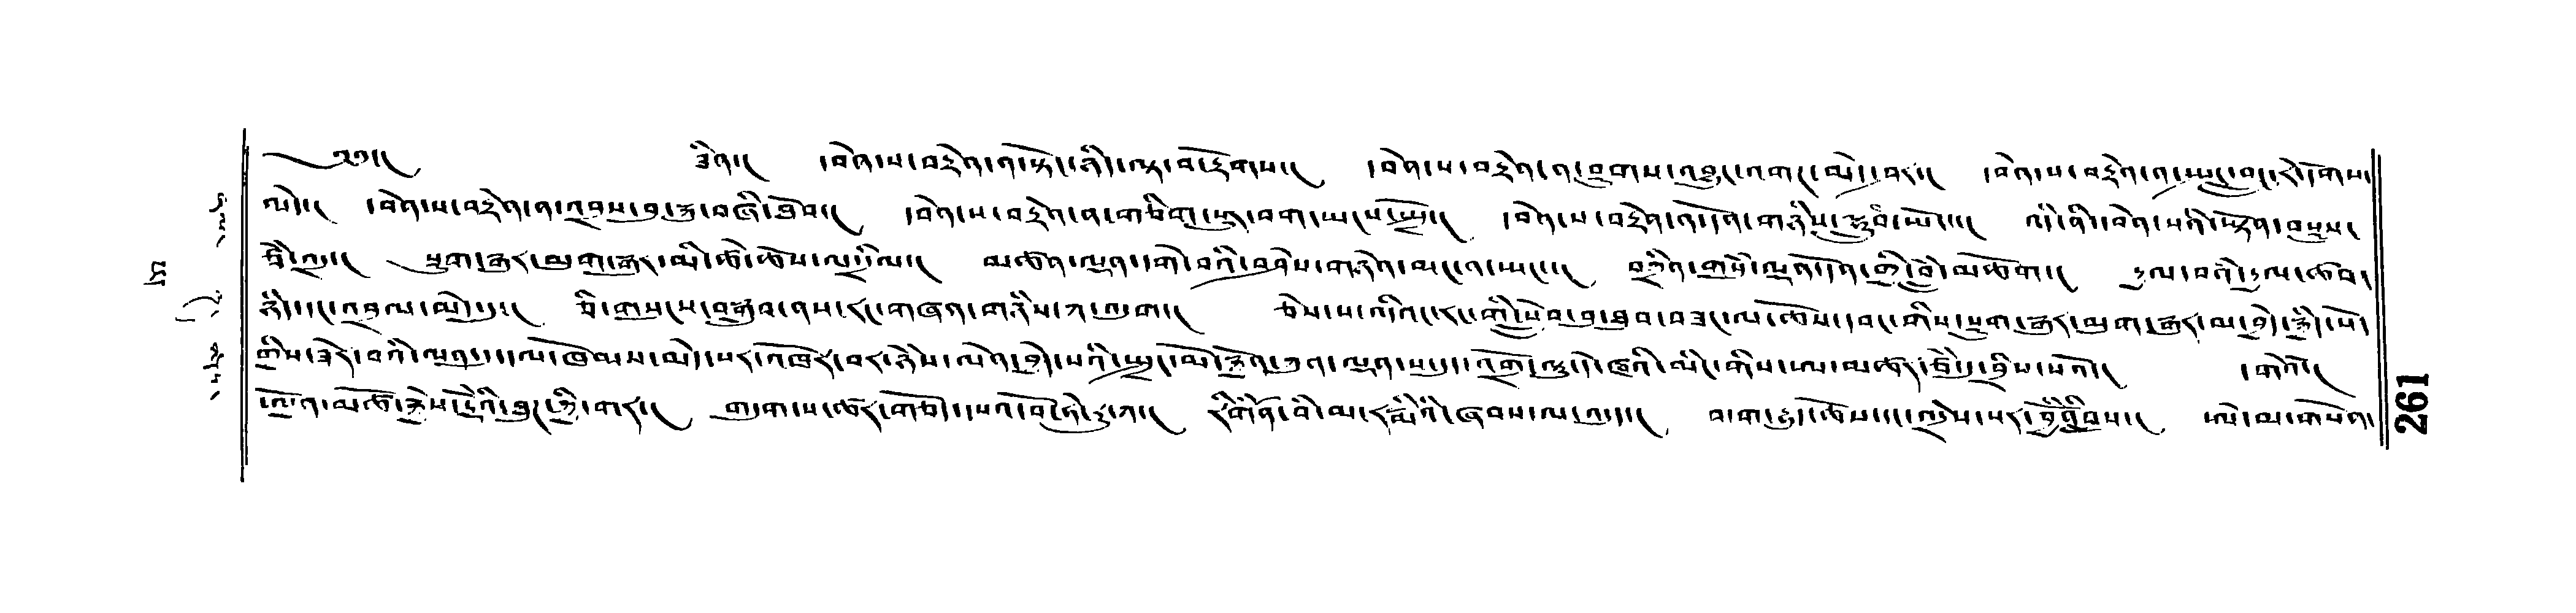ཟིན། །དབེན་པ་བརྟེན་ན་སྟོང་ཉིད་ལྟ་བ་རྟོགས། །དབེན་པ་བརྟེན་ན་ཤུགས་འབྱུང་འགགས་མེད་ཤར། །དབེན་པ་བརྟེན་ན་སྤང་བླང་རེ་དོགས་
མེད། །དབེན་པ་བརྟེན་ན་འབྲས་བུ་སྐུ་བཞི་ཐོབ། །དབེན་པ་བརྟེན་ན་གཅིག་པུར་བག་ཡངས་སྤྱོད། །དབེན་པ་བརྟེན་ན་དོན་གཉིས་ལྷུན་གྲུབ་ཡོང་། །འདི་ནི་དབེན་པའི་ཡོན་ཏན་བསྡུས་
ཙམ་འདྲ། །སྡུག་སྒུར་མུག་སྒུར་མི་ཚེ་ཆོས་ལ་དྲིལ། །མཚན་ལྡན་དགེ་བའི་བཤེས་གཉེན་མང་ན་ཡང་། བཀའ་དྲིན་གསུམ་ལྡན་དོན་གྱི་བླ་མ་མཆོག །རྒྱལ་བའི་རྒྱལ་ཚབ་
ཉིད་དང་འབྲལ་མེད་དུ། །ཅི་གསུངས་བསྒྲུབ་ནས་རང་གཞན་གཉིས་ཀ་འདུག ཅེས་པ་འདིའང་རང་གི་སློབ་བུ་ཐུབ་བཟང་ལ་ཆོས་དབང་གིས་སྡུག་སྒུར་མུག་སྒུར་མ་བྱེད་སྐྱིད་པོ་
གྱིས་ཟེར་བའི་ལན་དུ་དལ་ཁོམས་མེད་པར་འཁོར་བར་ཉམས་ལེན་བྱེད་པའི་སྤྲང་མོ་སྐྱོན་ཀུན་ལྡན་པ་དུད་འགྲོ་ལྟ་བུ་དེ་ཝའི་མིང་གིས་ཨ་མཚར་ཙམ་དུ་བྲིས་པའོ། དགེའོ།། 
ཨོ་རྒྱན་མཚོ་སྐྱེས་རྡོ་རྗེའི་ཐུགས་ཀྱི་གར། །གདུག་པ་ཚར་གཅོད་དཔའ་བོ་ཧེ་རུ་ཀ །རིག་འཛིན་བི་མ་རསྨིའི་ཞབས་ལ་འདུད། །བདག་རྒྱུད་ཆོས་དང་འདྲེས་པར་བྱིན་གྱིས་རློབས། །ཨེ་མ་གསོན་